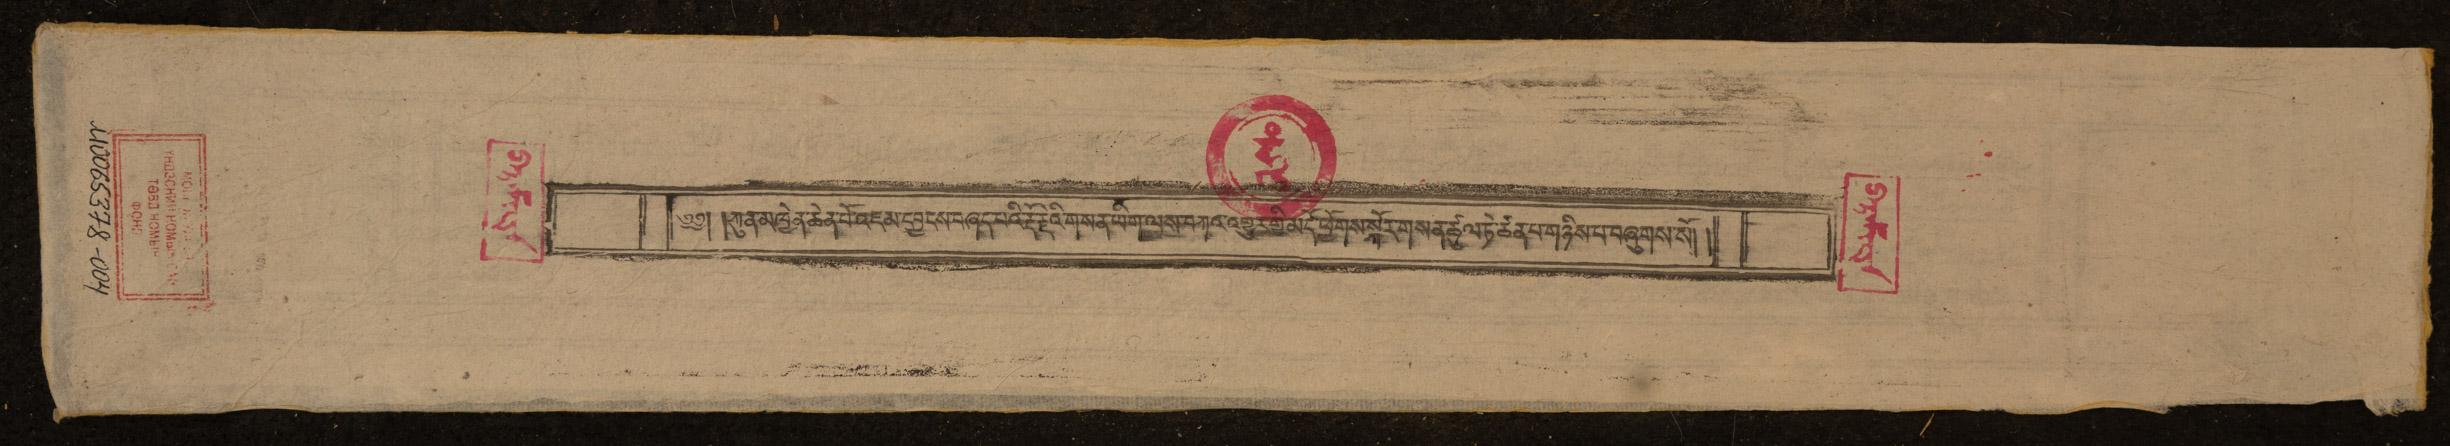༄༅། །ཀུན་མཁྱེན་ཆེན་པོ་འཇམ་དབྱངས་བཞད་པའི་རྡོ་རྗེའི་གསན་ཡིག་ལས་བཀའ་འགྱུར་གྱི་མདོ་ཕྱོགས་སྐོར་གསན་ཚུལ་ཏེ་ཚན་པ་གཉིས་པ་བཞུགས་སོ། །